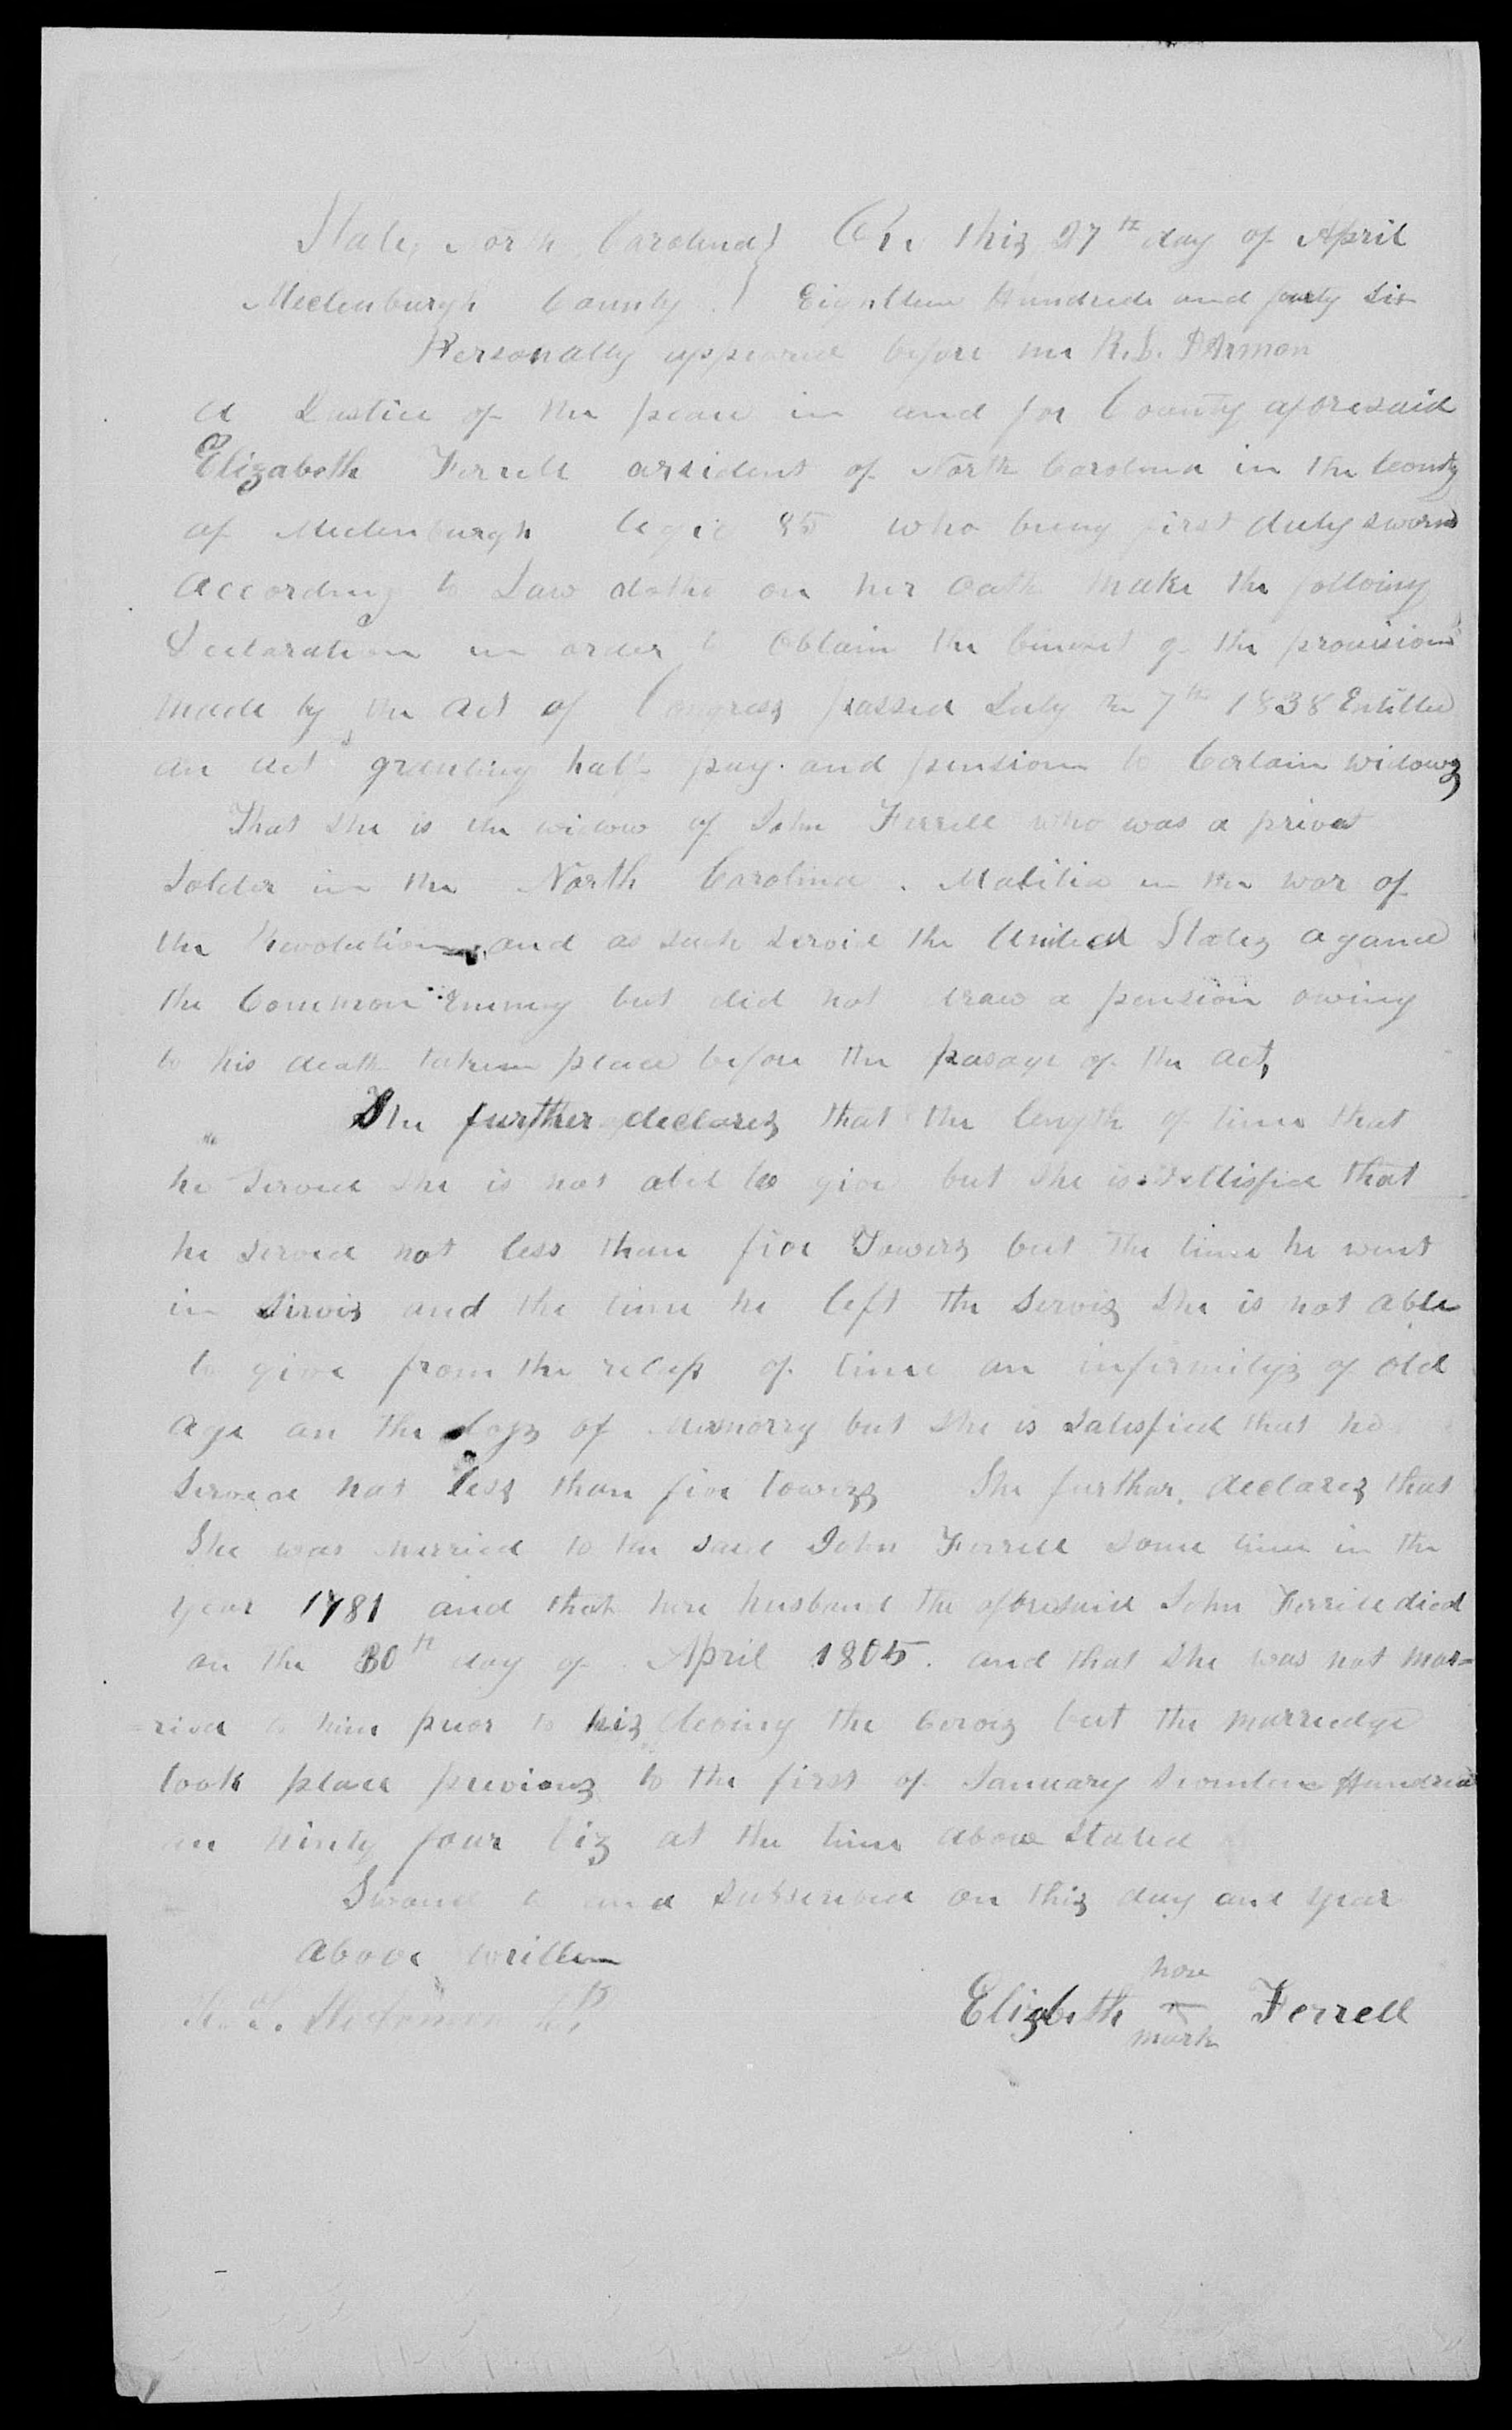State North Carolina 
Meckenburg County
On this 27th day of April Eighteen Hundred and fourty six
Personally appeared before me Rob DArmon a Justice of the peace in and for County aforesaid  Elizabeth Ferrell a resident of North Carolina in the County according to Law at the on her oath make the following Declaration in order to obtain the benefit of the provision made by the act of Congress passed July 7th 1838 establishes an act granting half pay and pension to certain widows.  That the is the widow of John Ferrell who was a privat soldier in the North Carolina Malitia in the war of the Revolution and as such service the United States agencies the Correction Agency but did not draw a pension owing to his death taken place before the passage of the act.
She further declares that the length of time that he served he is not a lot to give but she is satisfied that he served not less than five tours, but the times he went in service and the time he left the service she is not able to give from the relap of time an inferimitys of age an the days of  memory but she is satisfied that no served not les than five tours. She further declares that she was married to the said John Ferrell same time in the year 1781 and that her husband the aforesaid John Ferrell died on the 30th day of April 1805. And that she was not married to him prior to his leaving the army but the marriage took place presiding to the first of January Seven hundred and ninety four his at the time above stated.
Sworn to and subscribed on this day and year above written.
:illegible signature:
Elizabeth Ferrell Her Mark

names: Elizabeth Ferrell, John Ferrell, John Ferrell, Elizabeth Ferrell, R L De Armon, John Ferrell, R L De Armon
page: 8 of 52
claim: rejected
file: R. 3,512, John Ferrell, N.C.